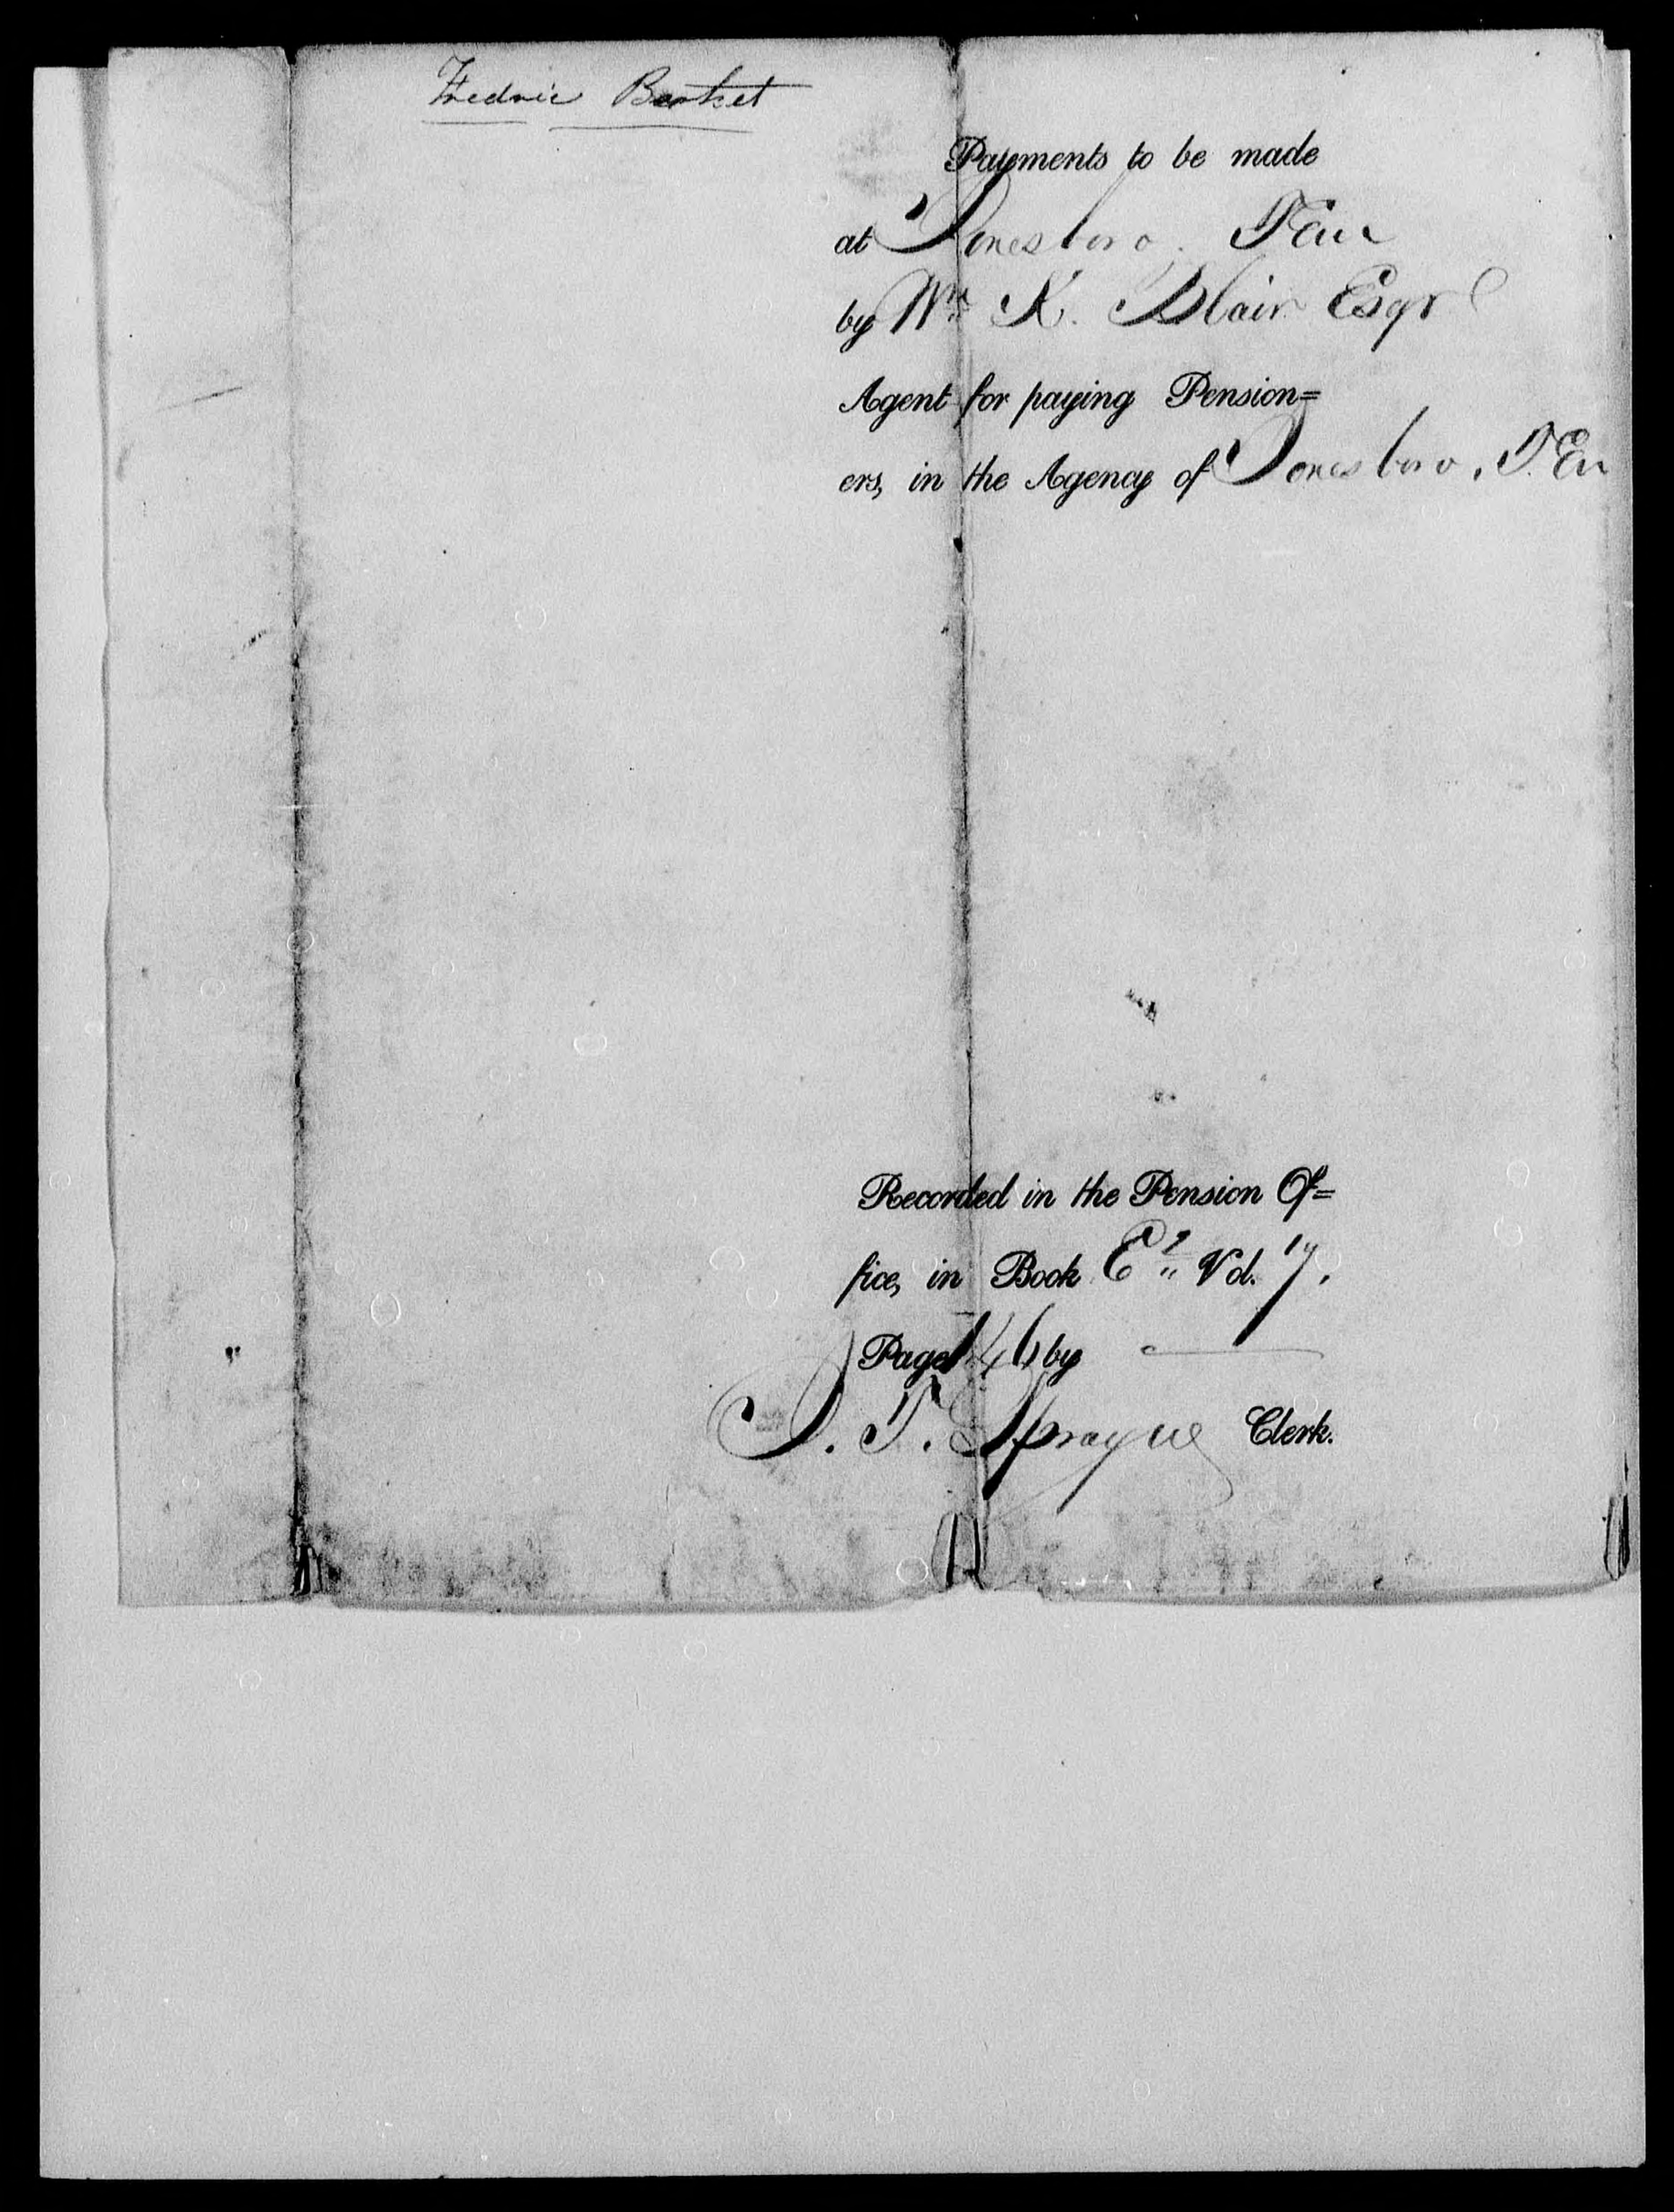Frederick Burket
Payments to be made at Pinesboro Ten
by Wm. K Blair Esqr
Agent for paying Pension =
ers in the Agency of Jonesboro, Ten

Recorded in the Pension of =
fice, in Book E2 Vol 7.
Page 146 by –
J. T. Sprague Clerk.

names: J T Sprague, Wm K Blair, Fredric Burket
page: 25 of 47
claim: survivor's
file: S. 3102, Frederick Burket, Va.